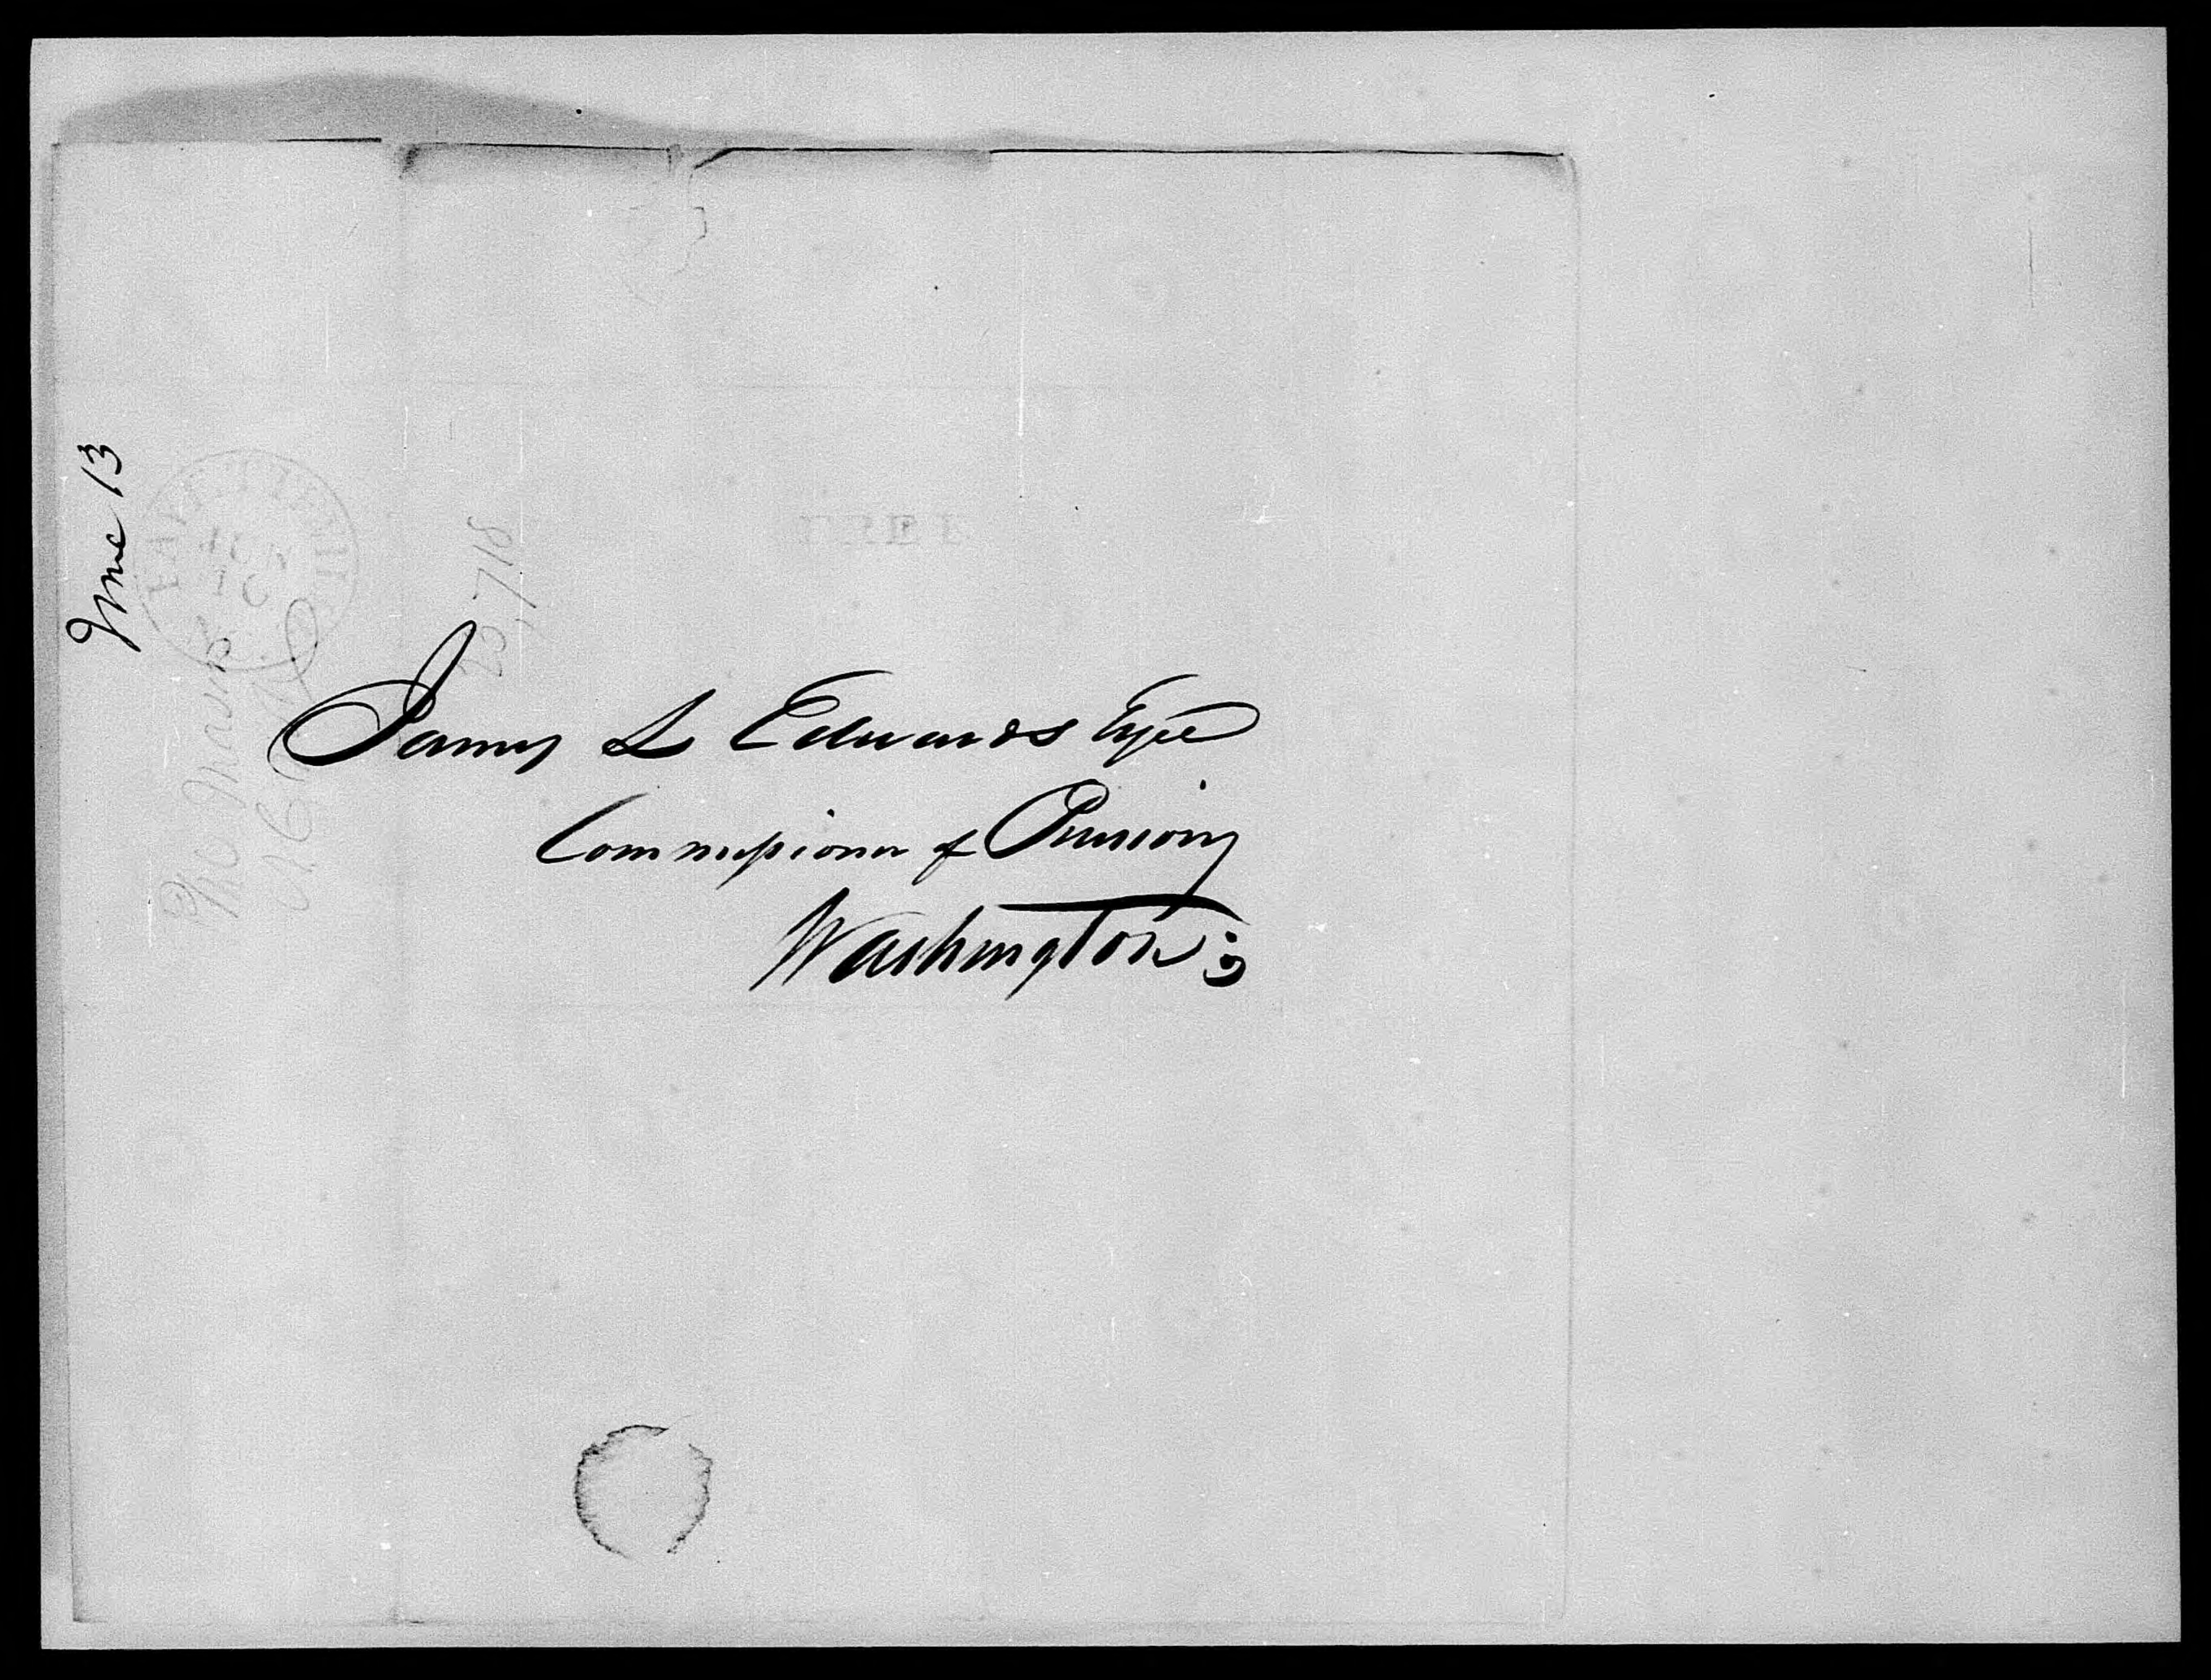June 13
James L Edwards Esq
Commissioner of Pension
Washington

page: 12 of 18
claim: survivor's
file: S. 8,994, for Philip Mason, North Carolina